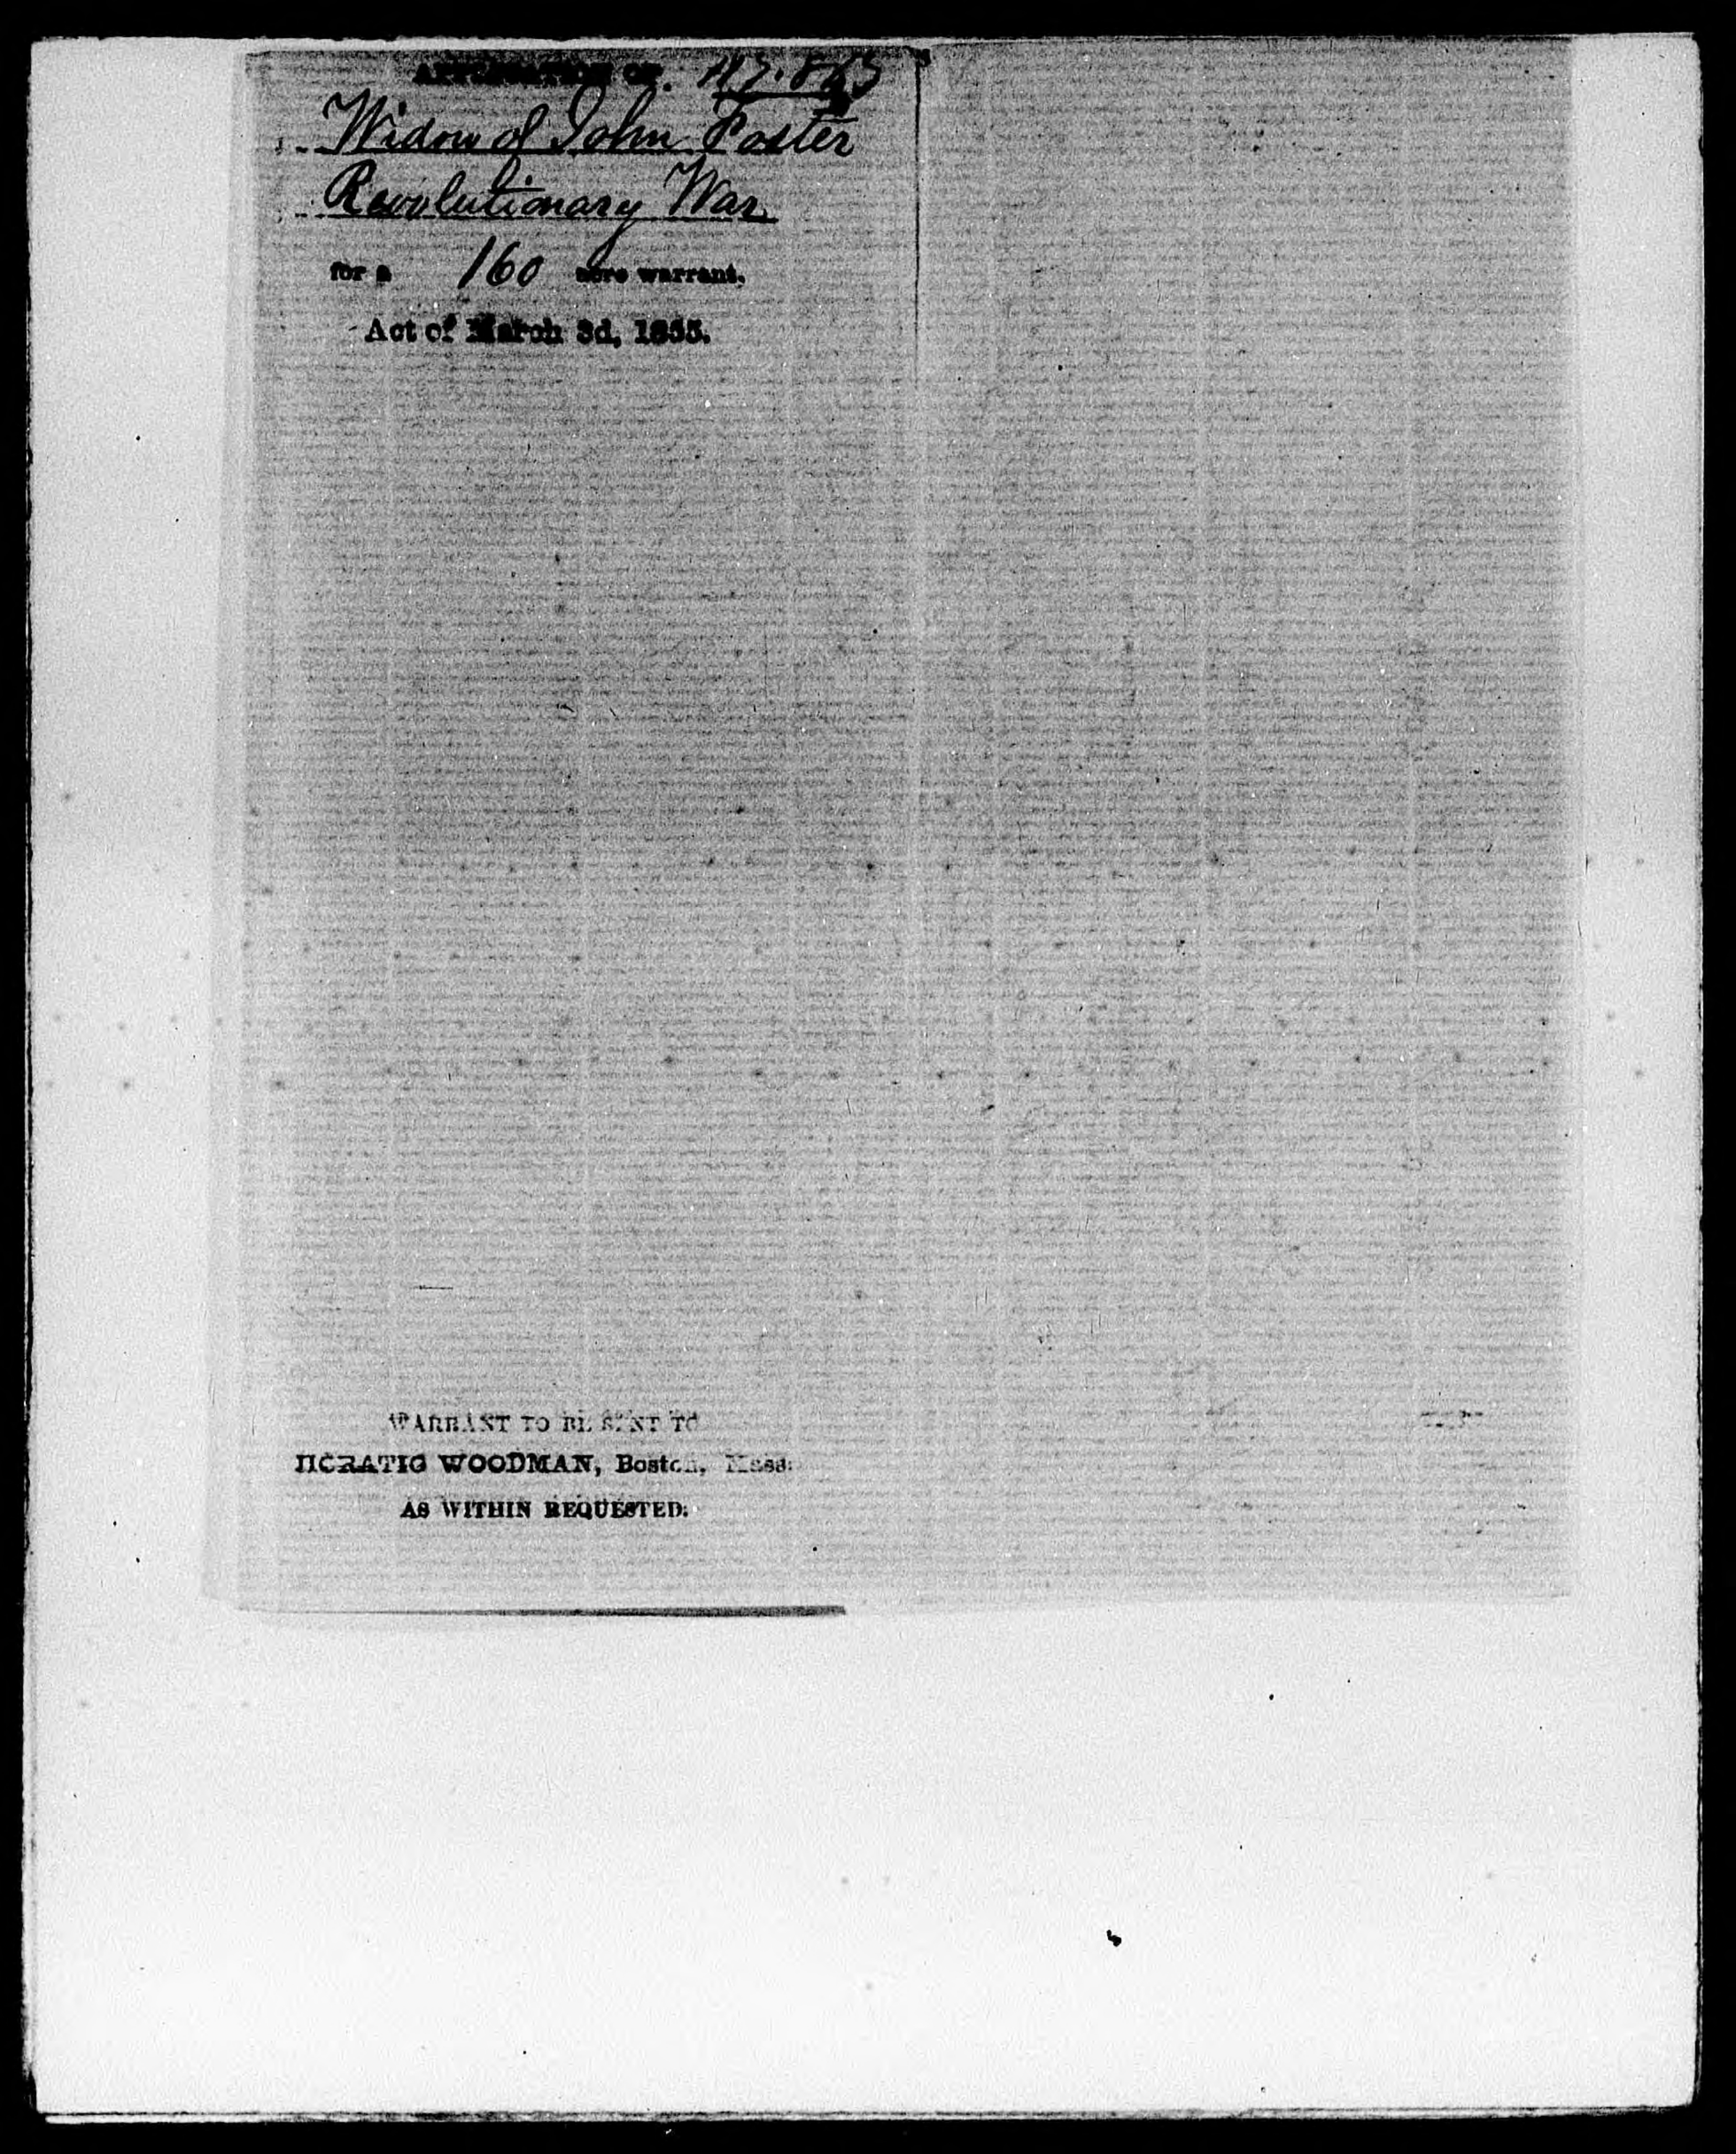117.843
Widow of John Foster
Revolutionary War
for a 160 more warrant
Act of March 3, 1855
WARRANT TO BE SENT TO
HORATIO WOODMAN, Boston, Mass:
AS WITHIN REQUESTED:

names: John Foster, Horatio Woodman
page: 39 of 47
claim: widow's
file: W. 7,302, John Foster, Continental Mass. R.I.